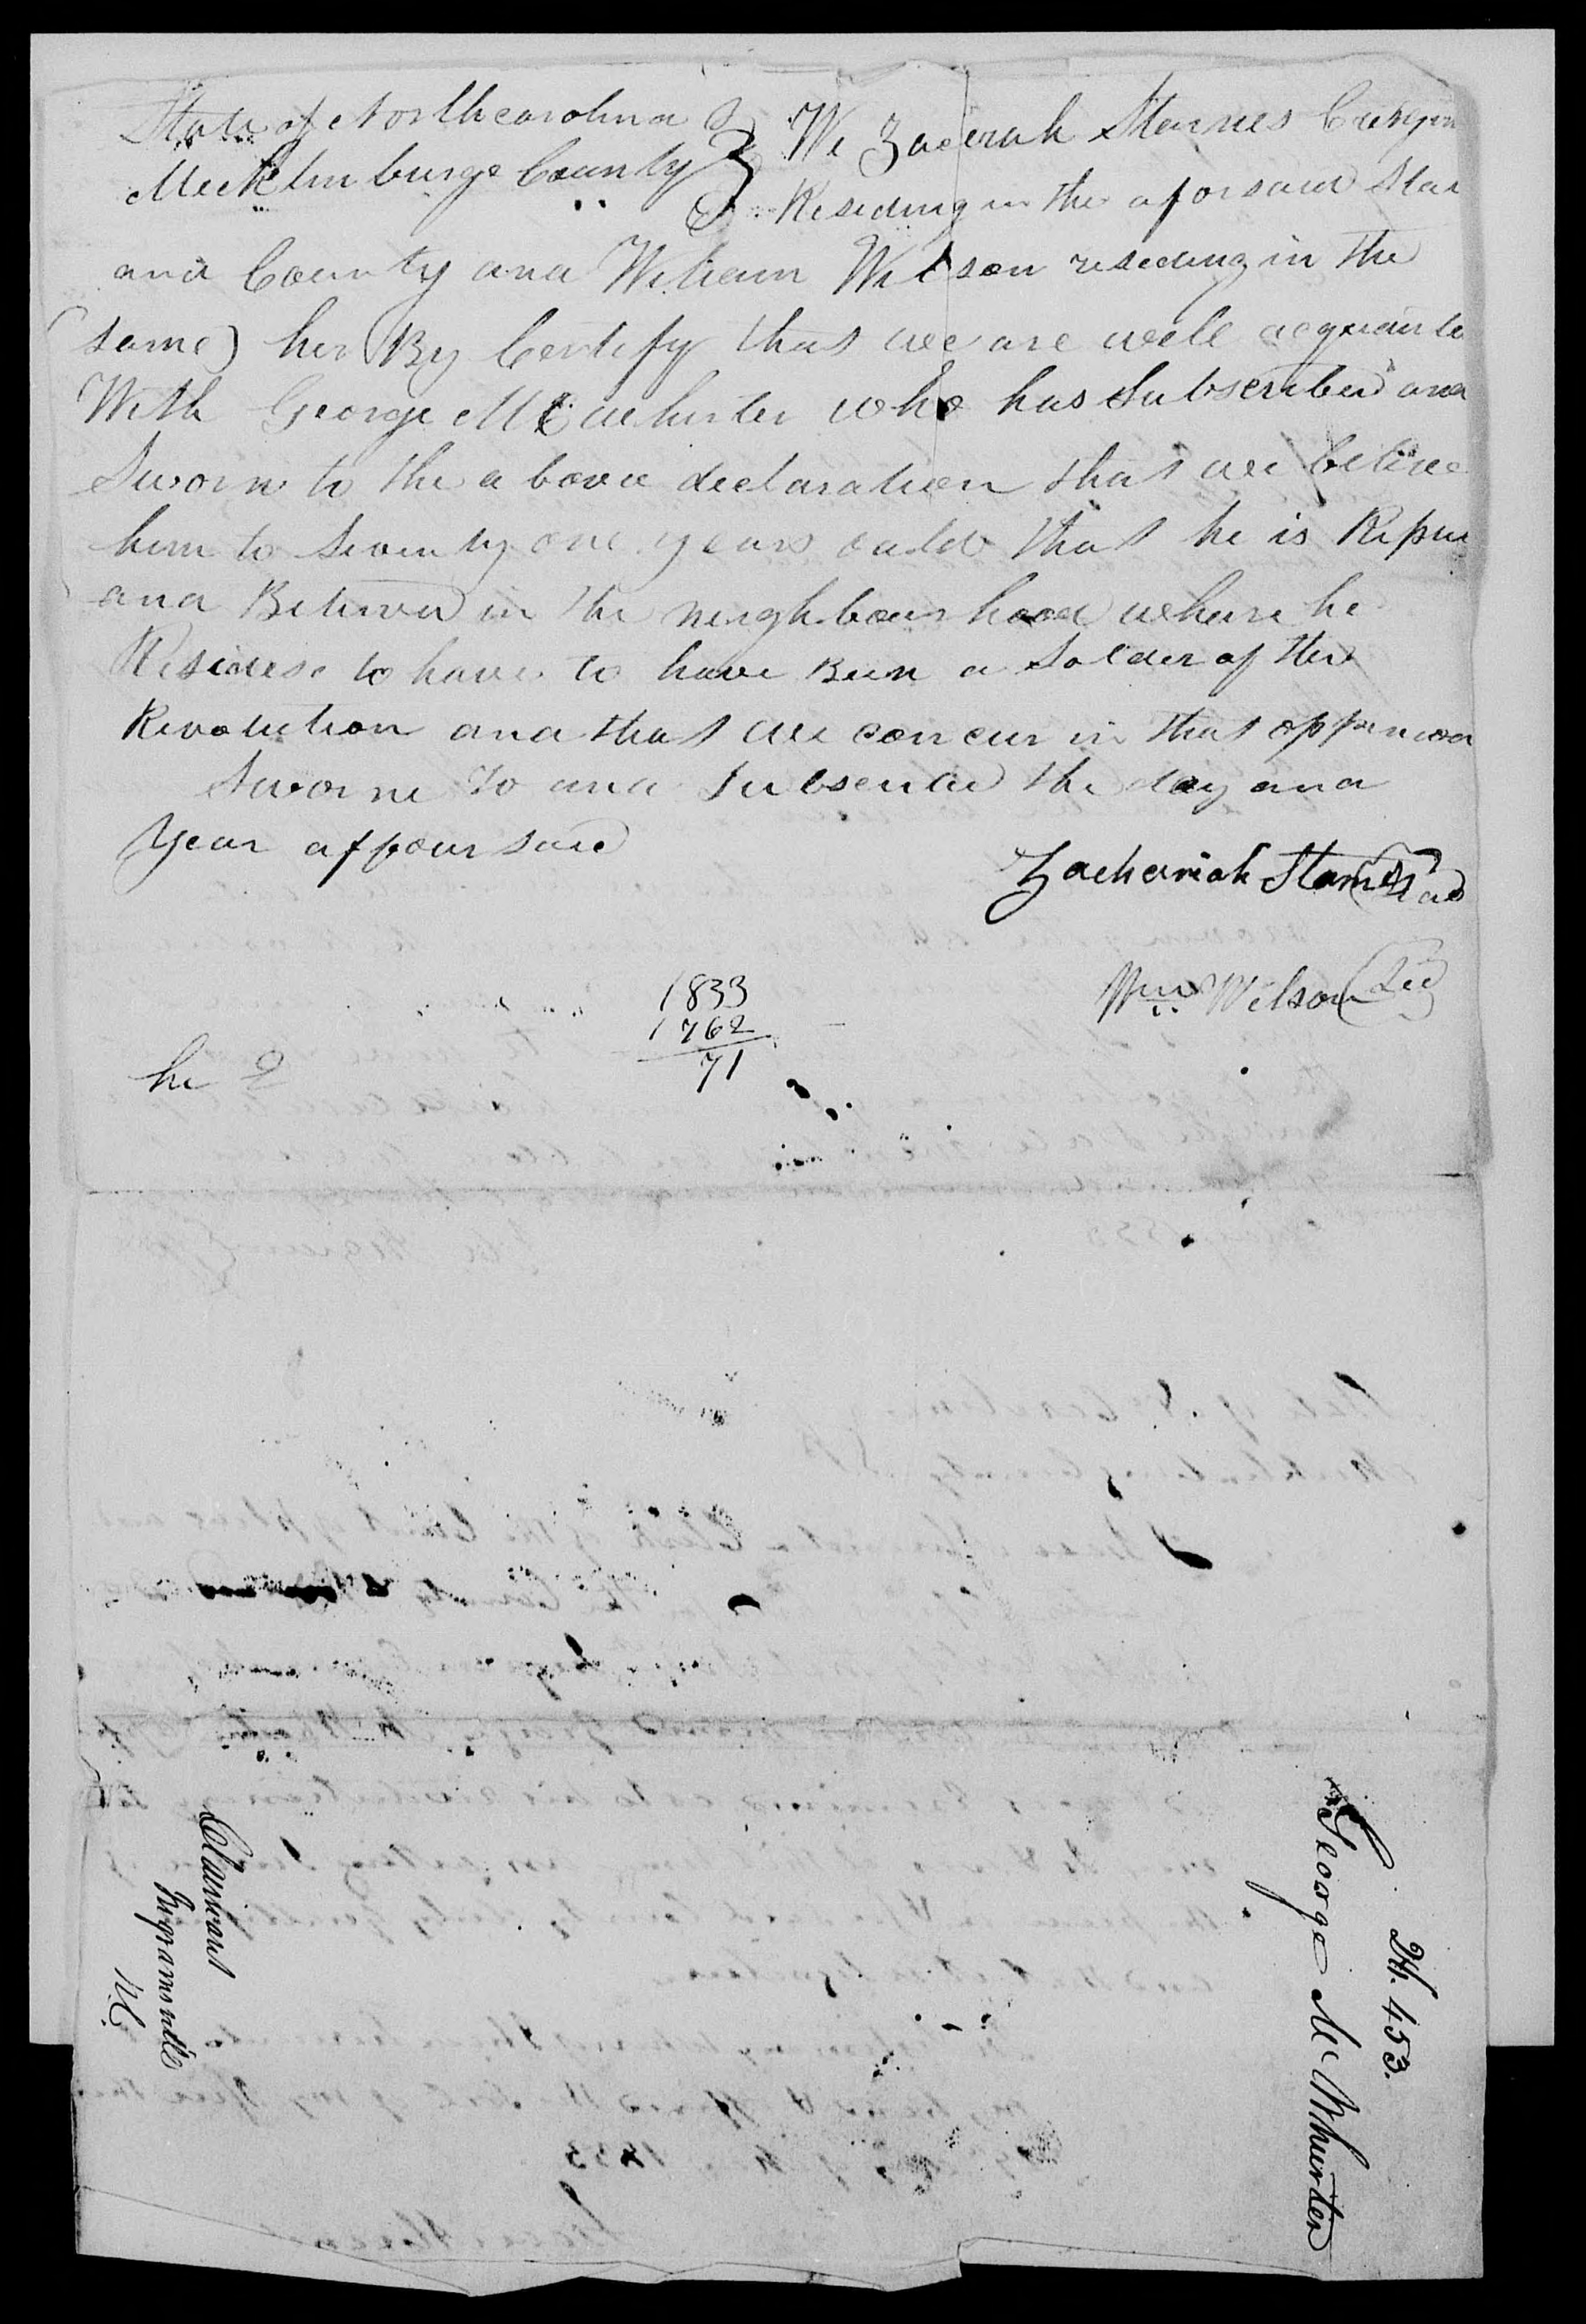[state of North Carolina Mecklenburg County ] We Zachariah Starnes Clergyman residing in the aforesaid  State and County and William Wilson residing in the (same ) hereby certify that we are well acquainted with  George McWhorter  who has subscribed and sworn to the above declaration that we believe him to seventy one years old, that he is reputed and believed in the neighborhood where he resides to have been a soldier of the Revolution  and that we concur in that opinion. Sworn to and subscribed the day and year aforesaid. Zachariah Starnes ( signed /sealed ) Wm Wilson ( signed / sealed )   ( bottom of page )   he 1833- 1762 total 71  ( bottom of page and vertical ) (  QH .453. George McWhorter Claimant Ingramsville N.C. )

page: 25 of 35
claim: survivor's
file: S. 9,011, for George Mc Whorter, North Carolina